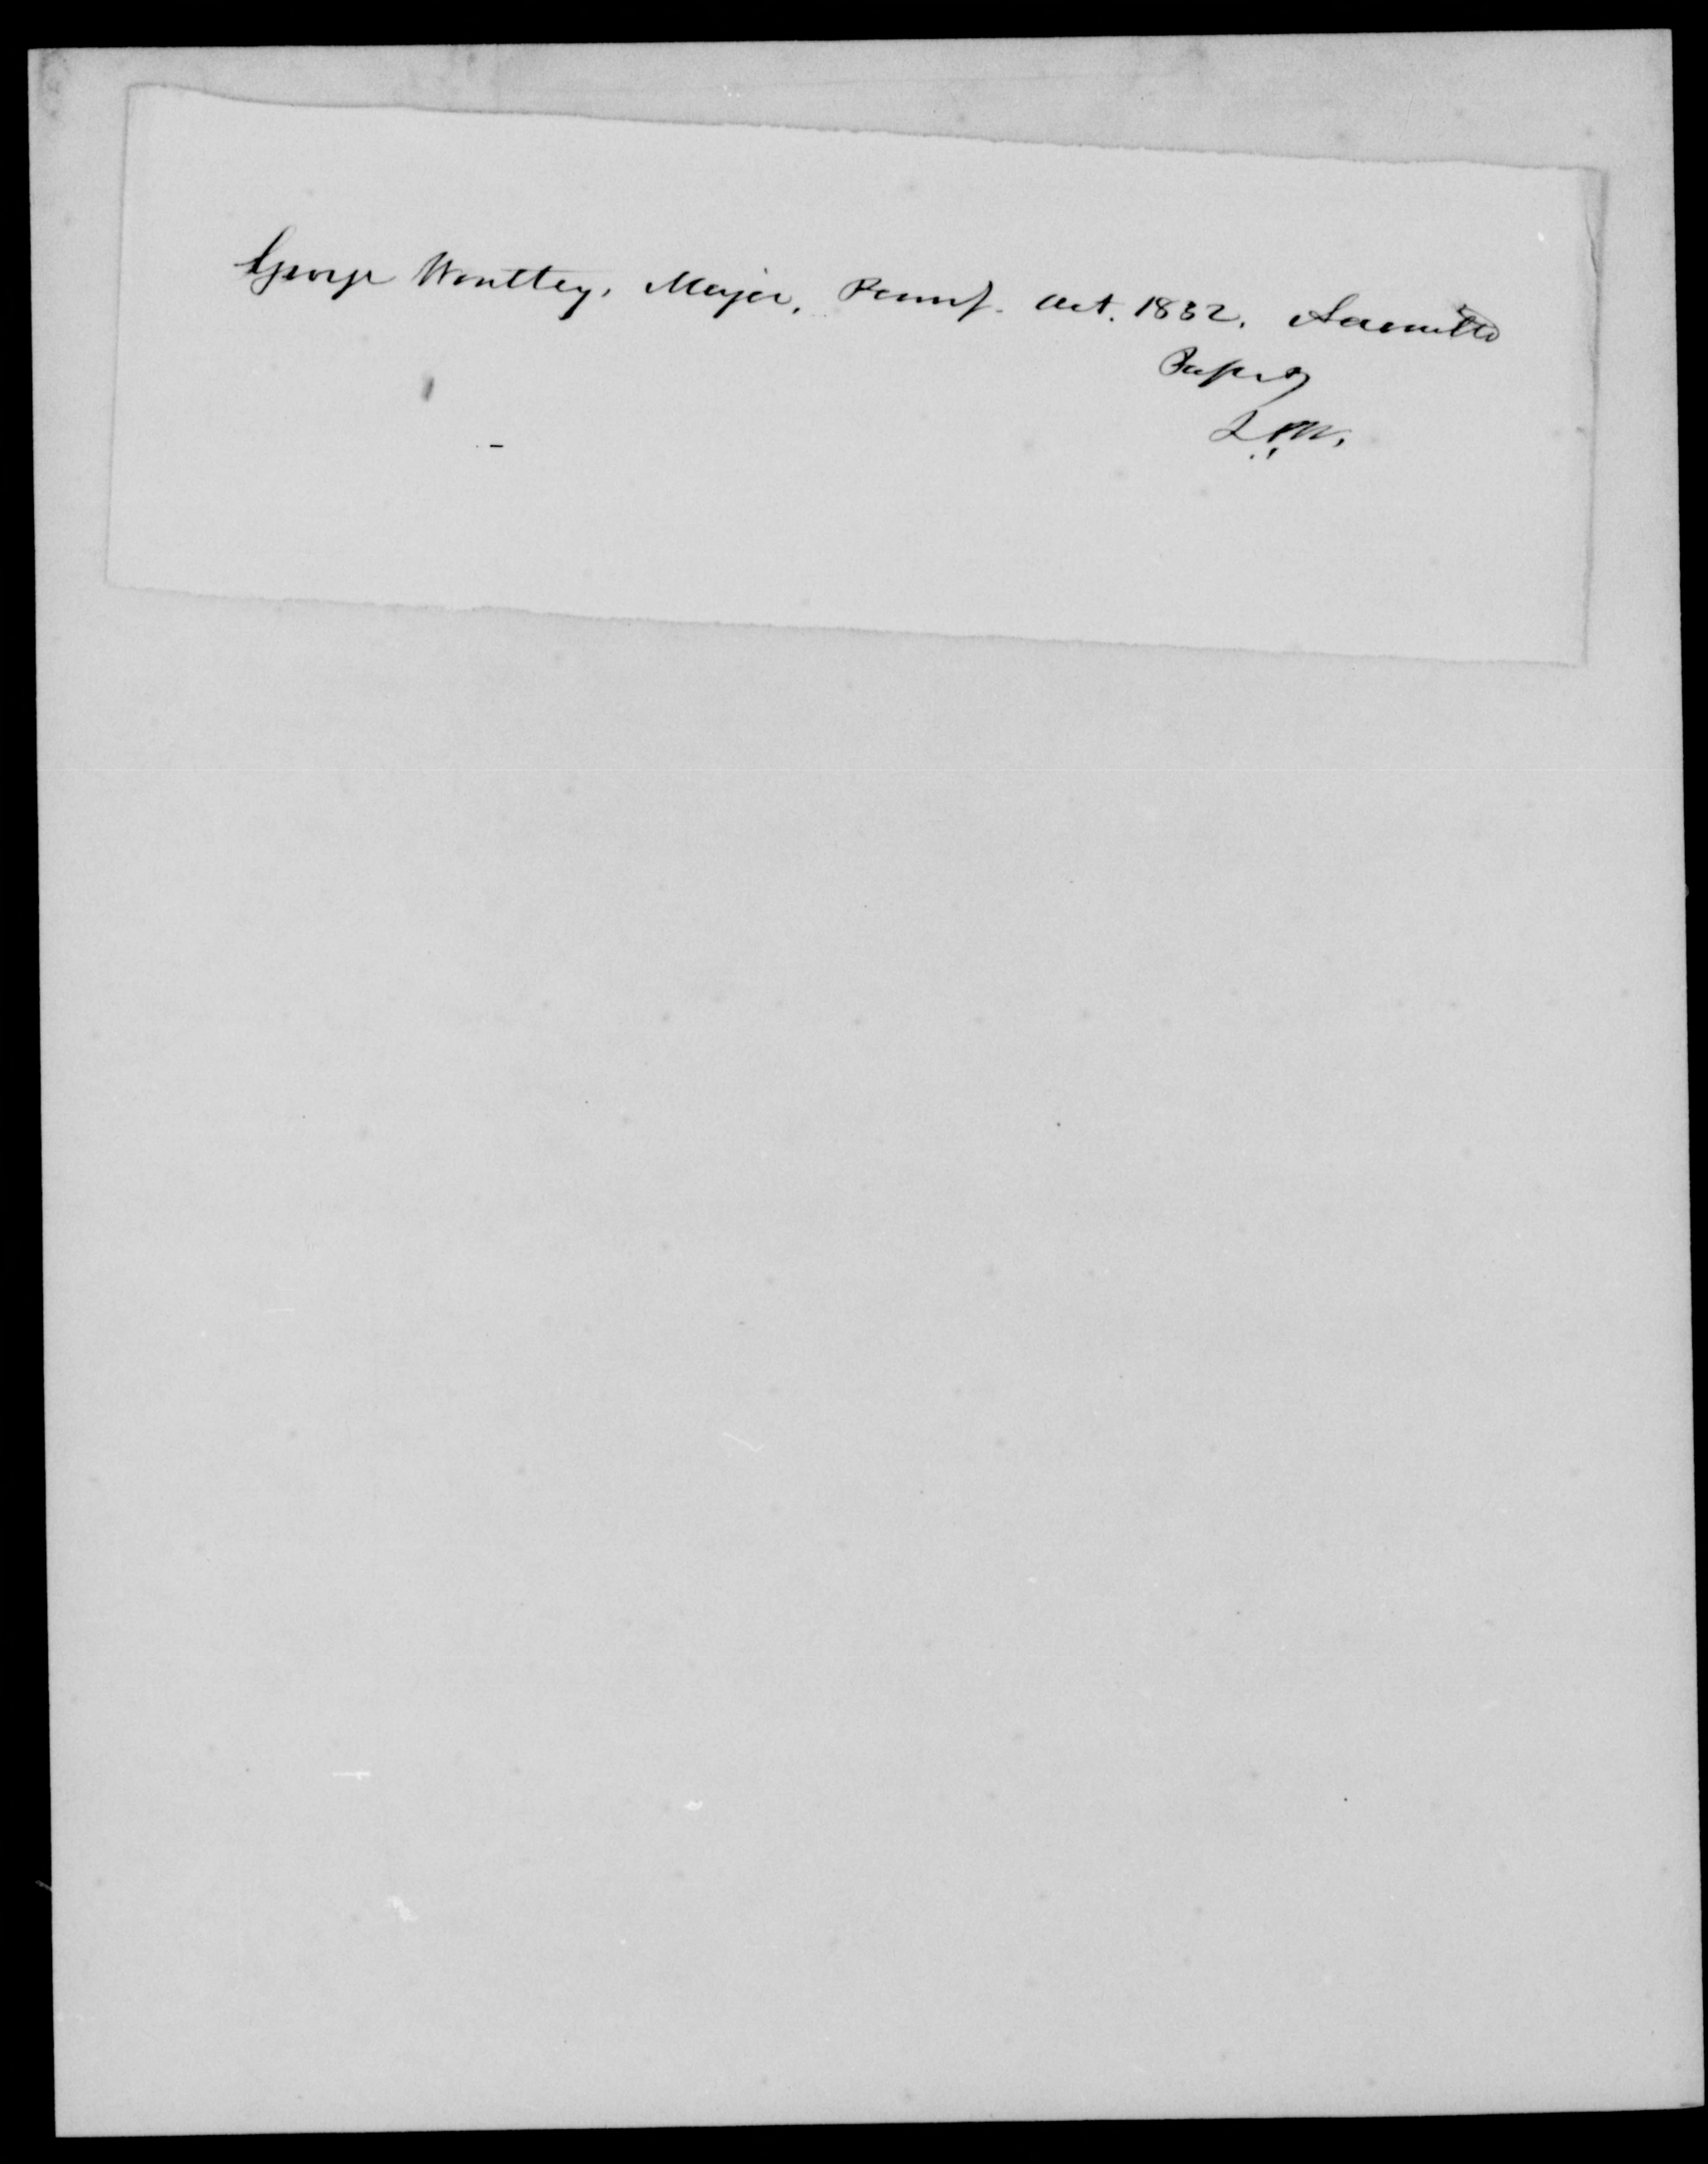George Wentley, Major, Penny. act. 1832 Submitted
Papers 
L.M.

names: George Wentley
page: 29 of 68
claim: survivor's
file: S. 6,358, George Wentling, Penn.